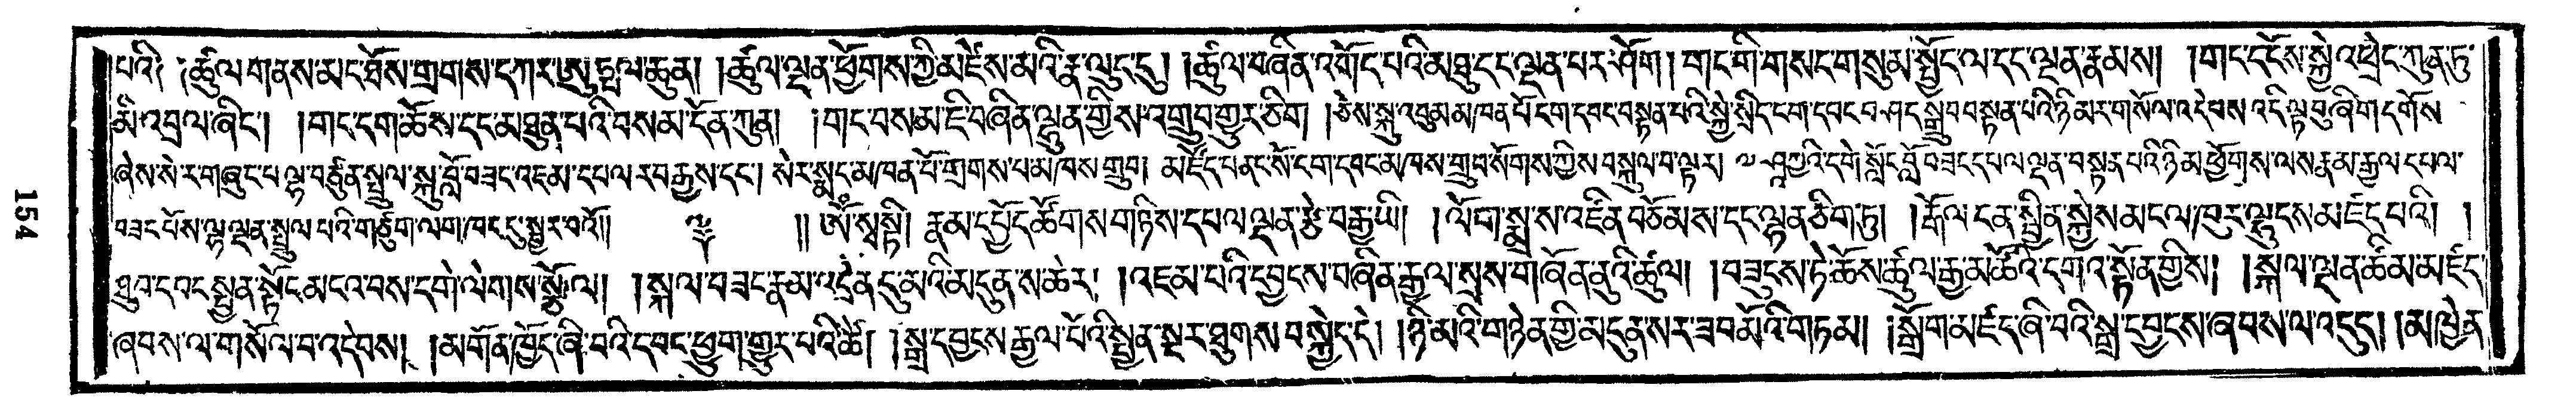པའི༑ ༑ཚུལ་གནས་མང་ཐོས་གྲགས་དཀར་ཨུཏྤལ་ཆུན། །ཚུལ་ལྡན་ཕྱོགས་ཀྱི་མཛེས་མའི་རྣ་ལུང་དུ། །ཚུལ་བཞིན་འགོད་པའི་མཐུ་དང་ལྡན་པར་ཤོག། གང་གི་གསང་གསུམ་སྤྱོད་ལ་དད་ལྡན་རྣམས། །གང་དངོས་སྐྱེ་འཕྲེང་ཀུན་ཏུ་
མི་འབྲལ་ཞིང་། །གང་དག་ཆོས་དང་མཐུན་པའི་བསམ་དོན་ཀུན། །གང་བསམ་ཇི་བཞིན་ལྷུན་གྱིས་འགྲུབ་གྱུར་ཅིག །ཅེས་སྐུ་འབུམ་མཁན་པོ་ངག་དབང་བསྟན་པའི་སྐྱེ་སྲིད་ངག་དབང་བཤད་སྒྲུབ་བསྟན་པའི་ཉི་མར་གསོལ་འདེབས་འདི་ལྟ་བུ་ཞིག་དགོས་
ཞེས་སེ་ར་གཞུང་པ་ལྷ་བཙུན་སྤྲུལ་སྐུ་བློ་བཟང་འཇམ་དཔལ་རབ་རྒྱས་དང་། སེར་སྨད་མཁན་པོ་གྲགས་པ་མཁས་གྲུབ། མཛོད་པ་ནང་སོ་ངག་དབང་མཁས་གྲུབ་སོགས་ཀྱིས་བསྐུལ་བ་ལྟར། ༧་ཤཱཀྱའི་དགེ་སློང་བློ་བཟང་དཔལ་ལྡན་བསྟན་པའི་ཉི་མ་ཕྱོགས་ལས་རྣམ་རྒྱལ་དཔལ་
བཟང་པོས་ལྷ་ལྡན་སྤྲུལ་པའི་གཙུག་ལག་ཁང་དུ་སྦྱར་བའོ།། ༈ །།ཨོཾ་སྭསྟི། རྣམ་དཔྱོད་ཚོགས་གཉིས་དཔལ་ལྡན་རྩེ་བརྒྱ་ཡི། །ལོག་སྨྲ་ས་འཛིན་བཅོམས་དང་ལྷན་ཅིག་ཏུ། །རྒོལ་ངན་སྦྱིན་སྐྱེས་མངལ་ཁུར་ལྷུངས་མཛད་པའི། །
ཐུབ་དབང་སྤྱན་སྟོང་མངའ་བས་དགེ་ལེགས་སྩོལ། །སྐལ་བཟང་རྣམ་འདྲེན་དུ་མའི་མདུན་ས་ཆེར། །འཇམ་པའི་དབྱངས་བཞིན་རྒྱལ་སྲས་གཞོན་ནུའི་ཚུལ། །བཟུངས་ཏེ་ཆོས་ཚུལ་རྒྱ་མཚོའི་དགའ་སྟོན་གྱིས། །སྐལ་ལྡན་ཚིམ་མཛད་
ཞབས་ལ་གསོལ་བ་འདེབས། །མགོན་ཁྱོད་ཞི་བའི་དབང་ཕྱུག་གྱུར་པའི་ཚེ། །སྒྲ་དབྱངས་རྒྱལ་པོའི་སྤྱན་སྔར་ཐུགས་བསྐྱེད་དེ། །ཉི་མའི་གཉེན་གྱི་མདུན་སར་ཟབ་མོའི་གཏམ། །སྒྲོག་མཛད་ཞི་བའི་སྒྲ་དབྱངས་ཞབས་ལ་འདུད། །མཁྱེན་